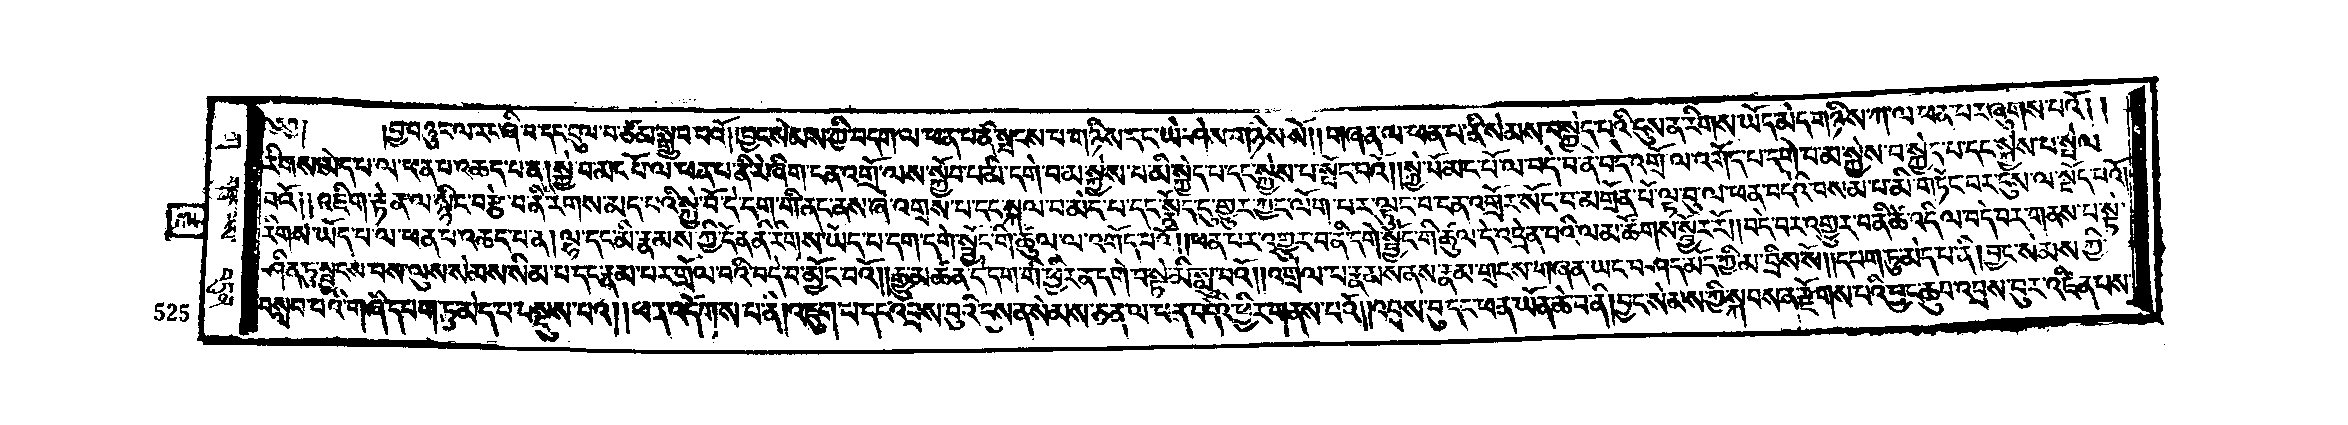༄༅། །བྱ་བ་ཉུང་ལ་རང་ཞི་བ་དང་དུལ་བ་ཙམ་སྒྲུབ་པའོ། །བྱང་སེམས་ཀྱི་བདག་ལ་ཕན་པ་ནི་སྤངས་པ་གཉིས་དང་ཡེ་ཤེས་གཉིས་སོ། །གཞན་ལ་ཕན་པ་ནི་སེམས་བསྐྱེད་པའི་དུས་ན་རིགས་ཡོད་མེད་གཉིས་ཀ་ལ་ཕན་པར་ཞུགས་པའོ། །
རིགས་མེད་པ་ལ་ཕན་པ་འཆད་པ་ན། སྐྱེ་བ་མང་པོ་ལ་ཕན་པ་ནི་རེ་ཞིག་ངན་འགྲོ་ལས་སྐྱོབ་པ་མི་དགེ་བ་མ་སྐྱེས་པ་མི་སྐྱེད་པ་དང་སྐྱེས་པ་སྤོང་བའོ། །སྐྱེ་བོ་མང་པོ་ལ་བདེ་བ་ནི་བདེ་འགྲོ་ལ་འགོད་པ་དགེ་བ་མ་སྐྱེས་བ་སྐྱེད་པ་དང་སྐྱེས་པ་སྤེལ་
བའོ། །འཇིག་རྟེན་ལ་སྙིང་བརྩེ་བ་ནི་རིགས་མེད་པའི་སྐྱེ་བོ་དེ་དག་གི་ནང་ནས་ཞེ་འགྲས་པ་དང་སྐལ་བ་མེད་པ་དང་སྣོད་དུ་གྱུར་ཀྱང་ལོག་པར་ལྟུང་བ་ངན་འགྲོར་སོང་བ་མགྲོན་པོ་ལྟ་བུ་ལ་ཕན་བདེའི་བསམ་པ་མི་གཏོང་བར་དུས་ལ་སྔོད་པའོ།
རིགས་ཡོད་པ་ལ་ཕན་པ་འཆད་པ་ན། ལྷ་དང་མི་རྣམས་ཀྱི་དོན་ནི་རིགས་ཡོད་པ་དག་དགེ་སྦྱོང་གི་ཚུལ་ལ་འགོད་པའོ། །ཕན་པར་འགྱུར་བ་ནི་དགེ་སྦྱོང་གི་ཚུལ་དེ་འདྲེན་པའི་ལམ་ཚོགས་སྦྱོར་རོ། །བདེ་བར་འགྱུར་བ་ནི་ཚེ་འདི་ལ་བདེ་བར་གནས་པ་སྟེ་
ཤིན་ཏུ་སྦྱངས་པས་ལུས་སེམས་སིམ་པ་དང་རྣམ་པར་གྲོལ་བའི་བདེ་བ་མྱོང་བའོ། །རྒྱུ་མཚན་དེ་དག་གི་ཕྱིར་ན་དགེ་བ་སྟེ་མི་སླུ་བའོ། །འགྲེལ་པ་རྣམས་ནས་རྣམ་གྲངས་གཞན་ཡང་བཤད་མོད་ཀྱི་མ་བྲིས་སོ། །དཔག་ཏུ་མེད་པ་ནི། བྱང་སེམས་ཀྱི་
བསླབ་པའི་གཞི་དཔག་ཏུ་མེད་པ་བསྡུས་པའོ། །ཕན་འདོགས་པ་ནི། འཇུག་པ་དང་འབྲས་བུའི་དུས་ན་སེམས་ཅན་ལ་ཕན་བདེའི་ཕྱིར་གནས་པའོ། །འབྲས་བུ་དང་ཕན་ཡོན་ཆེ་བ་ནི། བྱང་སེམས་ཀྱི་སྐབས་ན་རྫོགས་པའི་བྱང་ཆུབ་འབྲས་བུར་འཛིན་པས་